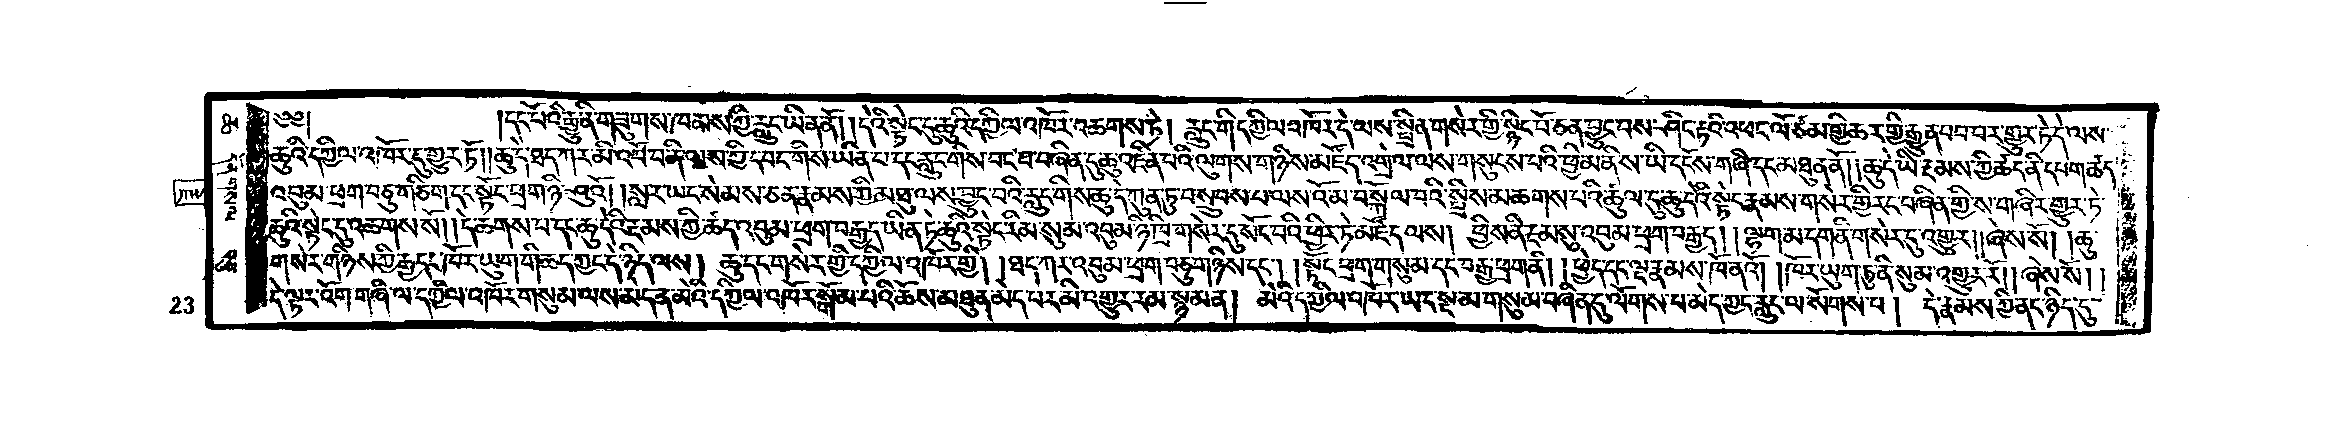༄༅། །དང་པོའི་རྒྱུ་ནི་གཟུགས་ཁམས་ཀྱི་རླུང་ཡིན་ནོ། །དེའི་སྟེང་དུ་ཆུའི་དཀྱིལ་འཁོར་འཆགས་ཏེ། རླུང་གི་དཀྱིལ་འཁོར་དེ་ལས་སྤྲིན་གསེར་གྱི་སྙིང་པོ་ཅན་བྱུང་བས་ཤིང་རྟའི་འཕང་ལོ་ཙམ་གྱི་ཆར་གྱི་རྒྱུན་བབ་པར་གྱུར་ཏེ་དེ་ལས་
ཆུའི་དཀྱིལ་འཁོར་དུ་གྱུར་ཏོ། །ཆུ་དེ་ཐད་ཀར་མི་འབོ་བ་ནི་ལས་ཀྱི་དབང་གིས་ཡིན་པ་དང་རླུང་གིས་བང་བ་བཞིན་དུ་ཆུ་འཛིན་པའི་ལུགས་གཉིས་མཛོད་འགྲེལ་ལས་གསུངས་པའི་ཕྱི་མ་ནི་ས་ཡི་དངོས་གཞི་དང་མཐུན་ནོ། །ཆུ་དེ་ཡི་རྔམས་ཀྱི་ཚད་ནི་དཔག་ཚད་
འབུམ་ཕྲག་བཅུ་གཅིག་དང་སྟོང་ཕྲག་ཉི་ཤུའོ། །སླར་ཡང་སེམས་ཅན་རྣམས་ཀྱི་མཐུ་ལས་བྱུང་བའི་རླུང་གིས་ཆུ་དེ་ཀུན་ཏུ་བསྲུབས་པ་ལས་འོ་མ་བསྐོལ་བའི་སྤྲིས་མ་ཆགས་པའི་ཚུལ་དུ་ཆུ་དེའི་སྟེང་རྣམས་གསེར་གྱི་རང་བཞིན་གྱི་ས་བཞིར་གྱུར་ཏེ་
ཆུའི་སྟེང་དུ་འཆགས་སོ། །དེ་ཆགས་པ་དང་ཆུ་དེའི་རྔམས་ཀྱི་ཚད་འབུམ་ཕྲག་བརྒྱད་ཡིན་ཏེ་ཆུའི་སྟེང་རིམ་སུམ་འབུམ་ཉི་ཁྲི་གསེར་དུ་སོང་བའི་ཕྱིར་ཏེ་མཛོད་ལས། ཕྱིས་ནི་རྔམས་སུ་འབུམ་ཕྲག་བརྒྱད། །ལྷག་མ་དག་ནི་གསེར་དུ་འགྱུར། །ཞེས་སོ། །ཆུ་
གསེར་གཉིས་ཀྱི་རྒྱ་དང་ཁོར་ཡུག་གི་ཆད་ཀྱང་དེ་ཉིད་ལས། ཆུ་དང་གསེར་གྱི་དཀྱིལ་འཁོར་གྱི། །ཐད་ཀར་འབུམ་ཕྲག་བཅུ་གཉིས་དང་། །སྟོང་ཕྲག་གསུམ་དང་བརྒྱ་ཕྲག་ནི། །ཕྱེད་དང་ལྔ་རྣམས་ཁོ་ནའོ། །ཁོར་ཡུག་ཏུ་ནི་སུམ་འགྱུར་རོ། །ཞེས་སོ། །
དེ་ལྟར་འོག་གཞི་ལ་དཀྱིལ་འཁོར་གསུམ་ལས་མེད་ན་མེའི་དཀྱིལ་འཁོར་སྒོམ་པའི་ཆོས་མཐུན་མེད་པར་མི་འགྱུར་རམ་སྙམ་ན། མེའི་དཀྱིལ་འཁོར་ཡང་སྔ་མ་གསུམ་བཞིན་དུ་ལོགས་པ་མེད་ཀྱང་རླུང་ལ་སོགས་པ། དེ་རྣམས་ཀྱི་ནང་ཉིད་དུ་